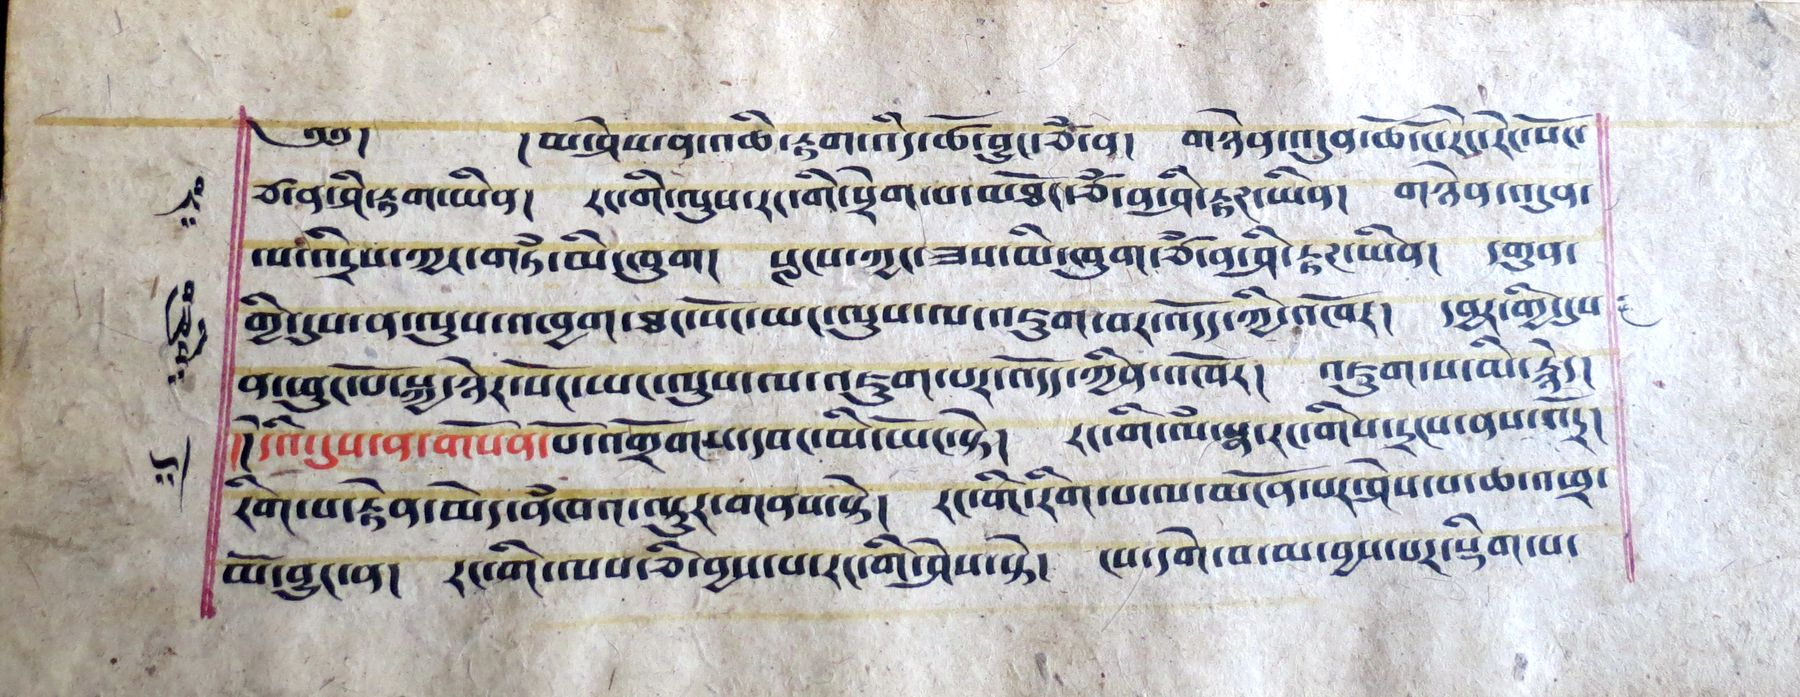མ་ཤེས་ན་མི་རྟག་འདི་ཚོ་བྱུང་ཙམ་ན། གཉེན་འདུན་ཆོ་ངེ་རེང་རེང་སོང་
ཙམ་ན་ཤི་རྟགས་ཡིན། རང་གི་ལུས་རང་གིས་བསྲེགས་པ་མཐོིང་ཙམ་ན་ཤི་རྟགས་ཡིན། གཉེན་འདུན་
ལ་འདྲིས་ཀྱང་གཏམ་མི་ཁུག སློང་ཡང་ཟས་མི་ཁུག་ཙམ་ན་ཤི་རྟགས་ཡིན། དགུན་
གྱི་དུས་ན་ལུས་འཁྱག་ཐོང་སོང་ཡང་ལུས་ལ་འཇུག་པར་འདོད་ཀྱིན་འཁོིར། དབྱར་གྱི་དུས་
ན་ཕུང་པོ་སྐྱ་ཉེར་སོང་ཡང་ལུས་ལ་འཇུག་པར་འདོད་ཀྱིན་འཁོར། འཇུག་ས་མི་རྙེད། 
དེའི་དུས་ན་གསོན་པོ་འགྲོགས་དབང་མི་ཡོང་སྟེ། རང་གི་ལམ་སྣ་རང་གིས་དྲངས་ནས་འགྲོ། 
རིག་པ་རྟེན་མེད་ནམ་མཁའ་ལྟ་བུར་གནས་ཏེ། རང་གི་རིག་པ་ལ་མངོིན་པར་ཤེས་པ་ཆ་འཕྲ་
མོ་བྱུང་ན། རང་གིས་ལས་ཅི་བྱས་པ་རང་གིས་ཤེས་ཏེ། ངས་དགེ་བ་མ་བྱས་པར་སྡིག་པ་